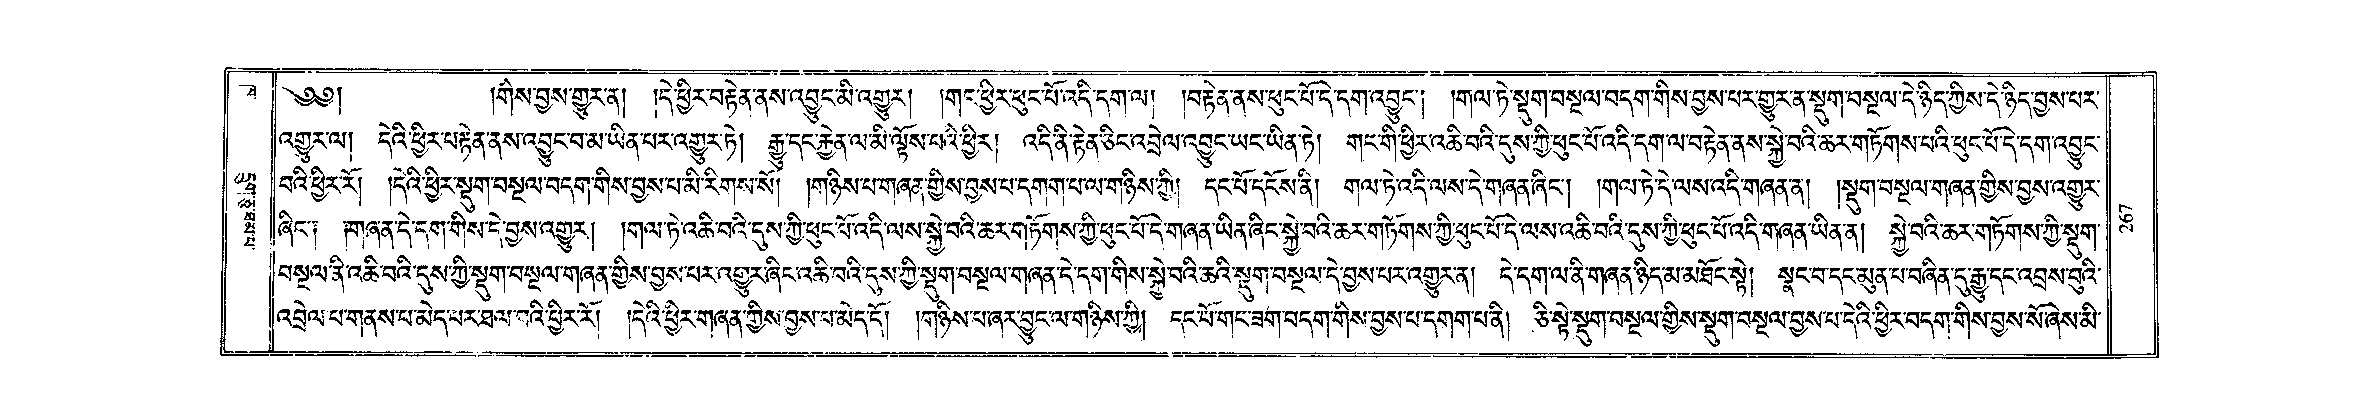༄༅། །གིས་བྱས་གྱུར་ན། །དེ་ཕྱིར་བརྟེན་ནས་འབྱུང་མི་འགྱུར། །གང་ཕྱིར་ཕུང་པོ་འདི་དག་ལ། །བརྟེན་ནས་ཕུང་པོ་དེ་དག་འབྱུང་། །གལ་ཏེ་སྡུག་བསྔལ་བདག་གིས་བྱས་པར་གྱུར་ན་སྡུག་བསྔལ་དེ་ཉིད་ཀྱིས་དེ་ཉིད་བྱས་པར་
འགྱུར་ལ། དེའི་ཕྱིར་བརྟེན་ནས་འབྱུང་བ་མ་ཡིན་པར་འགྱུར་ཏེ། རྒྱུ་དང་རྐྱེན་ལ་མི་ལྟོས་པའི་ཕྱིར། འདི་ནི་རྟེན་ཅིང་འབྲེལ་འབྱུང་ཡང་ཡིན་ཏེ། གང་གི་ཕྱིར་འཆི་བའི་དུས་ཀྱི་ཕུང་པོ་འདི་དག་ལ་བརྟེན་ནས་སྐྱེ་བའི་ཆར་གཏོགས་པའི་ཕུང་པོ་དེ་དག་འབྱུང་
བའི་ཕྱིར་རོ། །དེའི་ཕྱིར་སྡུག་བསྔལ་བདག་གིས་བྱས་པ་མི་རིགས་སོ། །གཉིས་པ་གཞན་གྱིས་བྱས་པ་དགག་པ་ལ་གཉིས་ཀྱི། དང་པོ་དངོས་ནི། གལ་ཏེ་འདི་ལས་དེ་གཞན་ཞིང་། །གལ་ཏེ་དེ་ལས་འདི་གཞན་ན། །སྡུག་བསྔལ་གཞན་གྱིས་བྱས་འགྱུར་
ཞིང༑ ༑གཞན་དེ་དག་གིས་དེ་བྱས་འགྱུར། །གལ་ཏེ་འཆི་བའི་དུས་ཀྱི་ཕུང་པོ་འདི་ལས་སྐྱེ་བའི་ཆར་གཏོགས་ཀྱི་ཕུང་པོ་དེ་གཞན་ཡིན་ཞིང་སྐྱེ་བའི་ཆར་གཏོགས་ཀྱི་ཕུང་པོ་དེ་ལས་འཆི་བའི་དུས་ཀྱི་ཕུང་པོ་འདི་གཞན་ཡིན་ན། སྐྱེ་བའི་ཆར་གཏོགས་ཀྱི་སྡུག་
བསྔལ་ནི་འཆི་བའི་དུས་ཀྱི་སྡུག་བསྔལ་གཞན་གྱིས་བྱས་པར་འགྱུར་ཞིང་འཆི་བའི་དུས་ཀྱི་སྡུག་བསྔལ་གཞན་དེ་དག་གིས་སྐྱེ་བའི་ཆའི་སྡུག་བསྔལ་དེ་བྱས་པར་འགྱུར་ན། དེ་དག་ལ་ནི་གཞན་ཉིད་མ་མཐོང་སྟེ། སྣང་བ་དང་མུན་པ་བཞིན་དུ་རྒྱུ་དང་འབྲས་བུའི་
འབྲེལ་པ་གནས་པ་མེད་པར་ཐལ་བའི་ཕྱིར་རོ། །དེའི་ཕྱིར་གཞན་གྱིས་བྱས་པ་མེད་དོ། །གཉིས་པ་ཞར་བྱུང་ལ་གཉིས་ཀྱི། དང་པོ་གང་ཟག་བདག་གིས་བྱས་པ་དགག་པ་ནི། ཅི་སྟེ་སྡུག་བསྔལ་གྱིས་སྡུག་བསྔལ་བྱས་པ་དེའི་ཕྱིར་བདག་གིས་བྱས་སོ་ཞེས་མི་